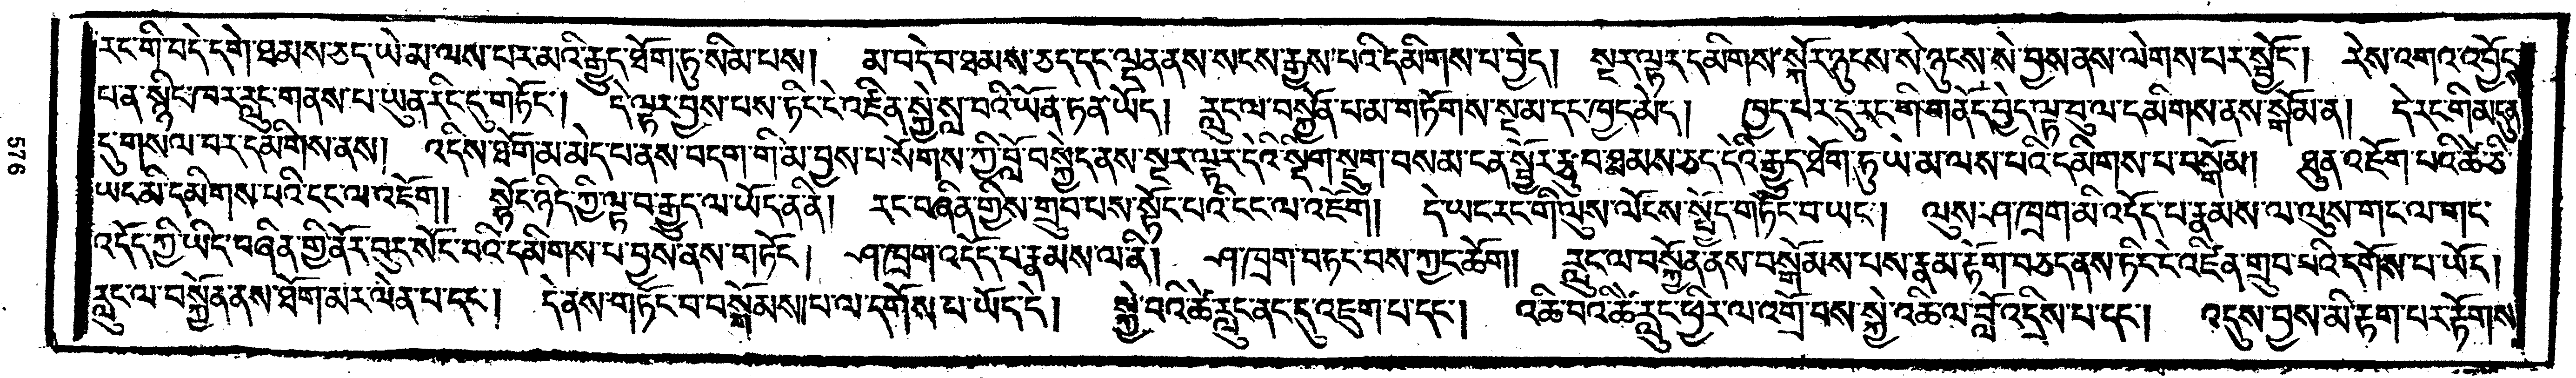རང་གི་བདེ་དགེ་ཐམས་ཅད་ཡེ་མ་ལས་པར་མའི་རྒྱུད་ཐོག་ཏུ་སིམ་པས། མ་བདེ་བ་ཐམས་ཅད་དང་ལྡན་ནས་སངས་རྒྱས་པའི་དམིགས་པ་བྱེད། སྔར་ལྟར་དམིགས་སྐོར་ཉུངས་སེ་ཉུངས་སེ་བྱས་ནས་ལེགས་པར་སྦྱོང་། རེས་འགའ་འབྱོངས་
པ་ན་སྙིང་ཁར་རླུང་གནས་པ་ཡུན་རིང་དུ་གཏོང་། དེ་ལྟར་བྱས་པས་ཏིང་ངེ་འཛིན་སྐྱེ་སླ་བའི་ཡོན་ཏན་ཡོད། རླུང་ལ་བསྐྱོན་པ་མ་གཏོགས་སྔ་མ་དང་ཁྱད་མེད། ཁྱད་པར་དུ་རང་གི་གནོད་བྱེད་ལྟ་བུ་ལ་དམིགས་ནས་སྒོམ་ན། དེ་རང་གི་མདུན་
དུ་གསལ་བར་དམིགས་ནས། འདིས་ཐོག་མ་མེད་པ་ནས་བདག་གི་མ་བྱས་པ་སོགས་ཀྱི་བློ་བསྐྱེད་ནས་སྔར་ལྟར་དེའི་སྡིག་སྡུག་བསམ་ངན་སྦྱོར་རྩུབ་ཐམས་ཅད་དེའི་རྒྱུད་ཐོག་ཏུ་ཡེ་མ་ལས་པའི་དམིགས་པ་བསྒོམ། ཐུན་འཇོག་པའི་ཚེ་ཅི་
ཡང་མི་དམིགས་པའི་ངང་ལ་འཇོག། སྟོང་ཉིད་ཀྱི་ལྟ་བ་རྒྱུད་ལ་ཡོད་ན་ནི། རང་བཞིན་གྱིས་གྲུབ་པས་སྟོང་པའི་ངང་ལ་འཇོག། དེ་ཡང་རང་གི་ལུས་ལོངས་སྤྱོད་གཏོང་བ་ཡང་། ལུས་ཤ་ཁྲག་མི་འདོད་པ་རྣམས་ལ་ལུས་གང་ལ་གང་
འདོད་ཀྱི་ཡིད་བཞིན་གྱི་ནོར་བུར་སོང་བའི་དམིགས་པ་བྱས་ནས་གཏོང་། ཤ་ཁྲག་འདོད་པ་རྣམས་ལ་ནི། ཤ་ཁྲག་བཏང་བས་ཀྱང་ཆོག། རླུང་ལ་བསྐྱོན་ནས་བསྒོམས་པས་རྣམ་རྟོག་བཅད་ནས་ཏིང་ངེ་འཛིན་གྲུབ་པའི་དགོས་པ་ཡོད།
རླུང་ལ་བསྐྱོན་ནས་ཐོག་མར་ལེན་པ་དང་། དེ་ནས་གཏོང་བ་བསྒོམས། པ་ལ་དགོས་པ་ཡོད་དེ། སྐྱེ་བའི་ཚེ་རླུང་ནང་དུ་འཇུག་པ་དང་། འཆི་བའི་ཚེ་རླུང་ཕྱིར་ལ་འགྲོ་བས་སྐྱེ་འཆི་ལ་བློ་འདྲིས་པ་དང་། འདུས་བྱས་མི་རྟག་པར་རྟོགས་